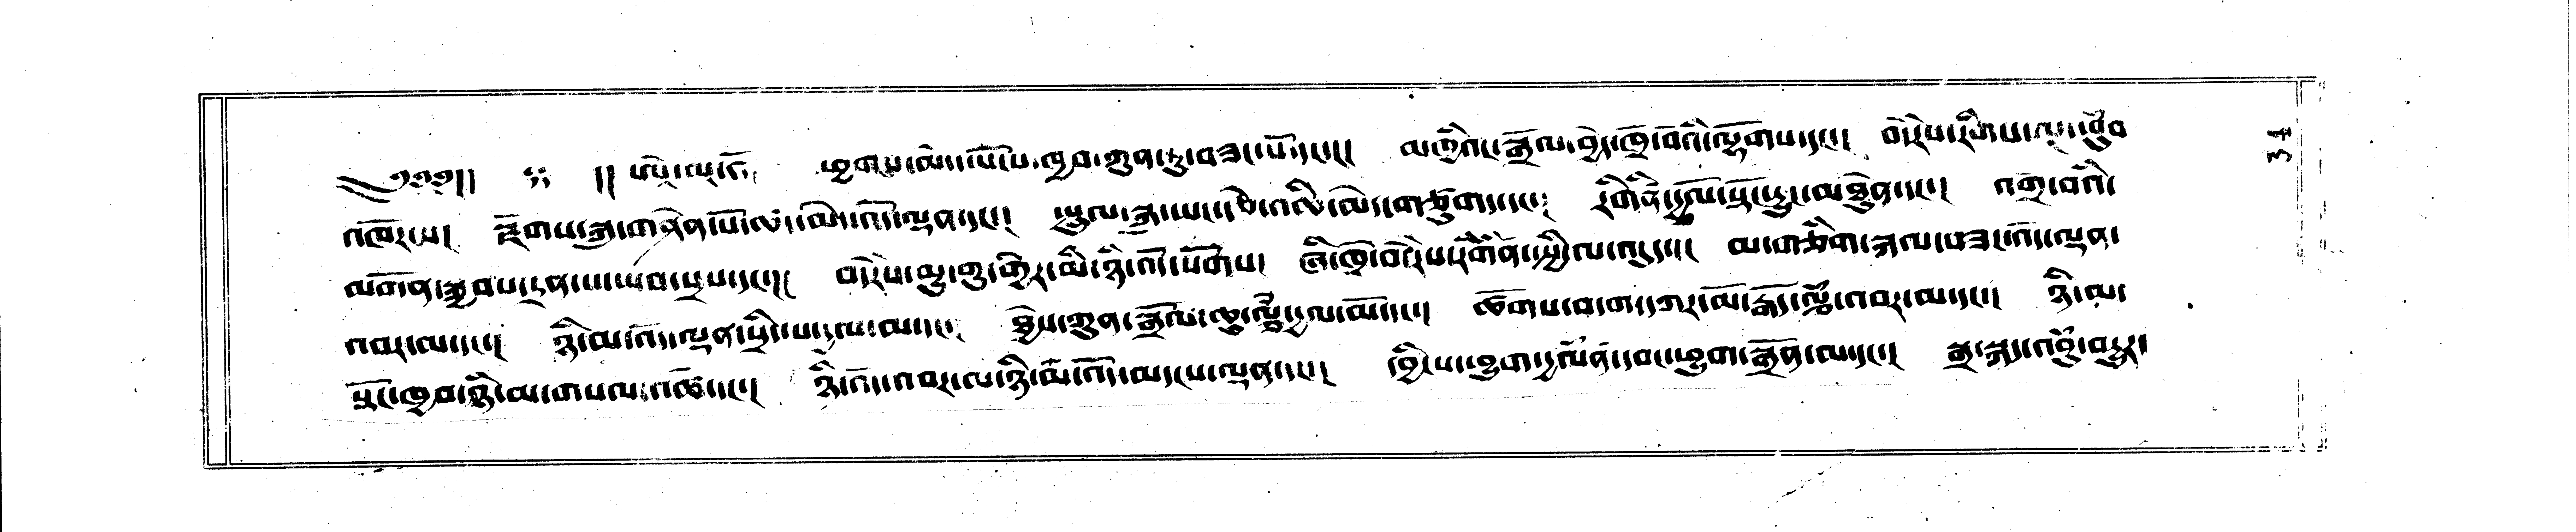༄༅༅། ཨེ་མ་ཧོ། ཕྱོགས་མེད་ཡོངས་ཁྱབ་ཀུན་ཏུ་བཟང་པོ་དང་། མཁའ་འགྱིང་སྒྲོལ་བྱེད་ཁྲོ་བོའི་ལྷ་ཚོགས་དང་། བདེར་གཤེགས་རིགས་ལྔ་ཡབ་ཡུམ་
འཁོར་དང་བཅས། རྫོགས་སྐུ་གཤེན་པོ་ཚད་མེད་འོད་ལྡན་དང་། སྤྲུལ་སྐུ་ཡང་རྩེ་འཆི་མེད་གཙུག་ཕུད་དང་། རིག་འཛིན་རྒྱལ་པོ་སྟོང་རྒྱུང་མཐུ་ཆེན་དང་། འགྲོ་བའི་
མགོན་སྐྱབས་དྲན་པ་ཡབ་སྲས་དང་། བདེར་གཤེགས་མྱུ་གུ་གྱེར་མི་ཉི་འོད་སོགས། ཞི་ཁྲོ་བདེར་གཤེགས་རིག་འཛིན་སྤྱི་ལ་འདུད། མ་གཅིག་སྐལ་བཟང་འོད་ལྡན་
འབར་མ་དང་། ཉི་མ་འོད་ལྡན་སྲིད་པ་རྒྱལ་མོ་དང་། ཐུགས་རྗེ་ཀུན་སྒྲོལ་ཆུ་ལྕམ་རྒྱལ་མོ་དང་། ཚོགས་བདག་དཀར་མོ་རྒོད་ལྕམ་འབར་མ་དང་། ཉི་མ་
སྟོང་ཁྱབ་ཉི་མ་གསལ་འཚོ་དང་། ཉི་འོད་འབར་མ་ཉི་མ་འོད་མདངས་ལྡན་དང་། དབྱིངས་ཕྱུག་རྒྱལ་མཚན་དབང་ཕྱུག་སྒྲོན་མ་དང་། སྒྲ་སྐད་འབུམ་བསྒྱུར་